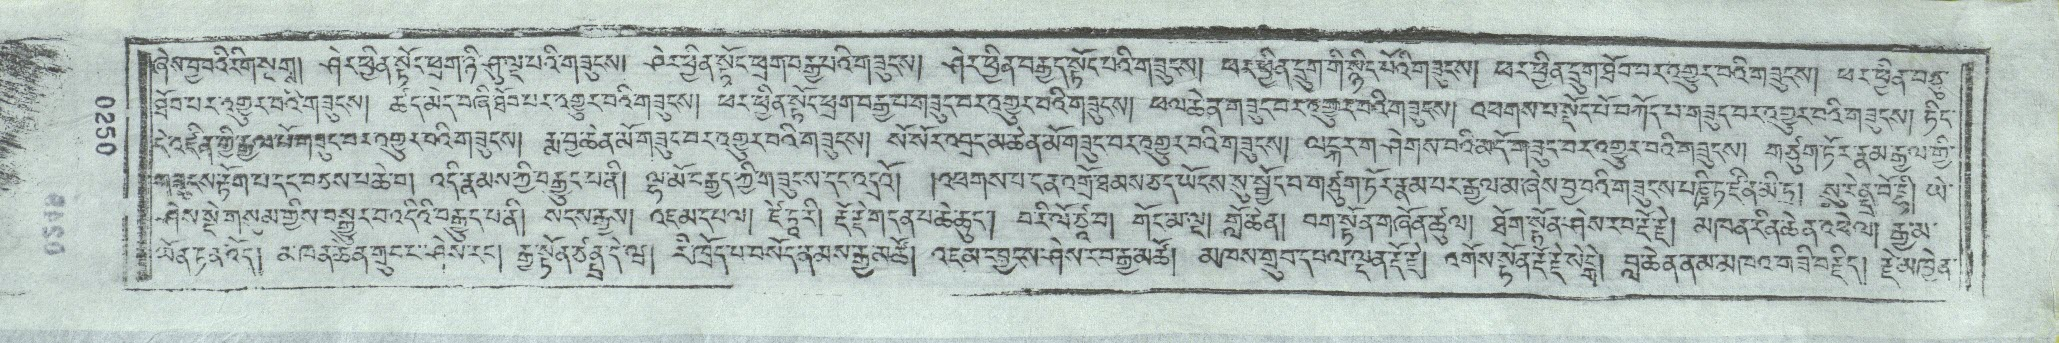ཞེས་བྱ་བའི་རིག་སྔགས། ཤེར་ཕྱིན་སྟོང་ཕྲག་ཉི་ཤུ་ལྔ་པའི་གཟུངས། ཤེར་ཕྱིན་སྟོང་ཕྲག་བརྒྱ་པའི་གཟུངས། ཤེར་ཕྱིན་བརྒྱད་སྟོང་པའི་གཟུངས། ཕར་ཕྱིན་དྲུག་གི་སྙིང་པོའི་གཟུངས། ཕར་ཕྱིན་དྲུག་ཐོབ་པར་འགྱུར་བའི་གཟུངས། ཕར་ཕྱིན་བཅུ་
ཐོབ་པར་འགྱུར་བའི་གཟུངས། ཚད་མེད་བཞི་ཐོབ་པར་འགྱུར་བའི་གཟུངས། ཕར་ཕྱིན་སྟོང་ཕྲག་བརྒྱ་པ་གཟུང་བར་འགྱུར་བའི་གཟུངས། ཕལ་ཆེན་གཟུངས་བར་འགྱུར་བའི་གཟུངས། འཕགས་པ་སྡོང་པོ་བཀོད་པ་གཟུང་བར་འགྱུར་བའི་གཟུངས། ཏིང་
དེ་འཛིན་གྱི་རྒྱལ་པོ་གཟུང་བར་འགྱུར་བའི་གཟུངས། རྨ་བྱ་ཆེན་མོ་གཟུང་བར་འགྱུར་བའི་གཟུངས། སོ་སོར་འབྲང་མ་ཆེན་མོ་གཟུང་བར་འགྱུར་བའི་གཟུངས། ལངྐར་གཤེགས་བའི་མདོ་གཟུང་བར་འགྱུར་བའི་གཟུངས། གཙུག་ཏོར་རྣམ་རྒྱལ་གྱི་
གཟུངས་རྟོག་པ་དང་བཅས་པ་ཆེ་བ། འདི་རྣམས་ཀྱི་བརྒྱུད་པ་ནི། ལྷ་མོར་བརྒྱད་ཀྱི་གཟུངས་དང་འདྲའོ། །འཕགས་པ་ངན་འགྲོ་ཐམས་ཅད་ཡོངས་སུ་སྦྱོང་བ་གཙུག་ཏོར་རྣམ་པར་རྒྱལ་མ་ཞེས་བྱ་བའི་གཟུངས་པཎྜི་ཏ་ཛིན་མི་ཏ། སུ་རེནྡྲ་བོ་དྷི། ཡེ་
ཤེས་སྡེ་གསུམ་གྱིས་བསྒྱུར་བ་འདིའི་བརྒྱུད་བ་ནི། སངས་རྒྱས། འཇམ་དཔལ། ཛེ། ཏཱ་རི། རྡོ་རྗེ་གདན་པ་ཆེ་ཆུང་། བ་རི་ལོ་ཙཱ་བ། གོང་མ་ལྔ། གློ་ཆེན། བག་སྟོན་གཞོན་ཚུལ། ཐོག་སྟོན་ཤེས་རབ་རྡོ་རྗེ། མཁན་རིན་ཆེན་འཕེལ། རྒྱ་མ་
ཡོན་ཏན་འོད། མཁན་ཆེན་གྲུབ་པ་ཤེས་རང་། རྒྱ་སྟོན་ཙནྡྲ་དེ་ཝ། རི་ཁྲོད་པ་བསོད་ནམས་རྒྱ་མཚོ། འཇམ་དབྱངས་ཤེས་རབ་རྒྱ་མཚོ། མཁས་གྲུབ་དཔལ་ལྡན་རྡོ་རྗེ། འགོས་སྟོན་རྡོ་རྗེ་ལ་སེངྒེ། བླ་ཆེན་ནམ་མཁའ་གཟི་བརྗིད། རྗེ་མཁྱེན་